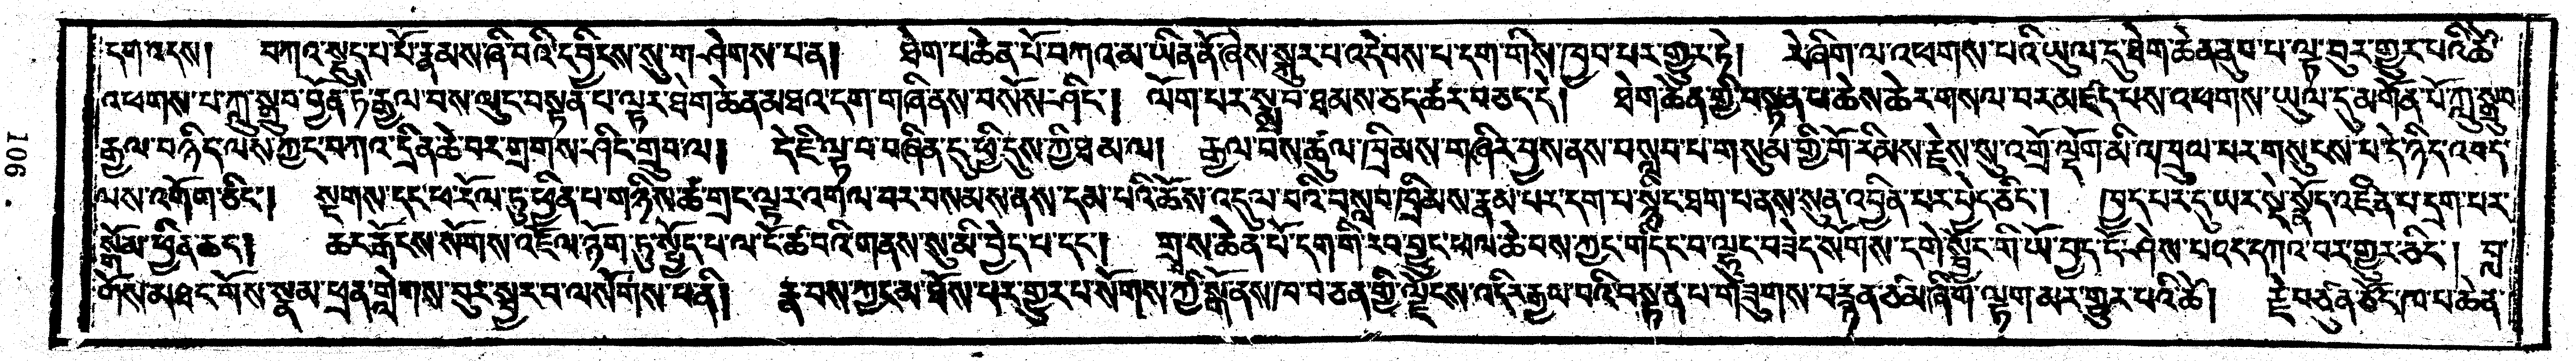དག་འདས། བཀའ་སྡུད་པ་པོ་རྣམས་ཞི་བའི་དབྱིངས་སུ་གཤེགས་པ་ན། ཐེག་པ་ཆེན་པོ་བཀའ་མ་ཡིན་ནོ་ཞེས་སྐུར་པ་འདེབས་པ་དག་གིས་ཁྱབ་པར་གྱུར་ཏེ། རེ་ཞིག་ལ་འཕགས་པའི་ཡུལ་དུ་ཐེག་ཆེན་ནུབ་པ་ལྟ་བུར་གྱུར་པའི་ཚེ་
འཕགས་པ་ཀླུ་སྒྲུབ་བྱོན་ཏེ་རྒྱལ་བས་ལུང་བསྟན་པ་ལྟར་ཐེག་ཆེན་མཐའ་དག་གཞི་ནས་བསོས་ཤིང་། ལོག་པར་སྨྲ་བ་ཐམས་ཅད་ཚར་བཅད་དེ། ཐེག་ཆེན་གྱི་བསྟན་པ་ཆེས་ཆེར་གསལ་བར་མཛད་པས་འཕགས་ཡུལ་དུ་མགོན་པོ་ཀླུ་སྒྲུབ་
རྒྱལ་བ་ཉིད་ལས་ཀྱང་བཀའ་དྲིན་ཆེ་བར་གྲགས་ཤིང་གྲུབ་ལ། དེ་ཇི་ལྟ་བ་བཞིན་དུ་ཕྱི་དུས་ཀྱི་ཐ་མ་ལ། རྒྱལ་བས་ཚུལ་ཁྲིམས་གཞིར་བྱས་ནས་བསླབ་པ་གསུམ་གྱི་གོ་རིམས་རྗེས་སུ་འགྲོ་ལྡོག་མི་འཁྲུལ་པར་གསུངས་པ་དེ་ཉིད་འབད་
ལས་འགོག་ཅིང་། སྔགས་དང་ཕ་རོལ་ཏུ་ཕྱིན་པ་གཉིས་ཚ་གྲངས་ལྟར་འགལ་བར་བསམས་ནས་དམ་པའི་ཆོས་འདུལ་བའི་བསླབ་ཁྲིམས་རྣམ་པར་དག་པ་སྙིང་ཐག་པ་ནས་སུན་འབྱིན་པར་བྱེད་ཅིང་། ཁྱད་པར་དུ་ཡར་སྡེ་སྣོད་འཛིན་པ་དྲག་པར་
སྒོམ་ཕྱིན་ཆད། ཆང་རྒོངས་སོགས་འཇོལ་ཉོག་ཏུ་སྤྱོད་པ་ལ་ངོ་ཚ་བའི་གནས་སུ་མི་བྱེད་པ་དང་། གྲྭ་ས་ཆེན་པོ་དག་གི་རབ་བྱུང་ཕལ་ཆེ་བས་ཀྱང་གདིང་བ་ལྷུང་བཟེད་སོགས་དགེ་སྦྱོང་གི་ཡོ་བྱད་ངོ་ཤེས་པའང་དཀའ་བར་གྱུར་ཅིང་། བླ་
གོས་མཐང་གོས་སྣམ་ཕྲན་གླེགས་བུར་སྦྱར་བ་ལ་སོགས་པ་ནི། རྣ་བས་ཀྱང་མ་ཐོས་པར་གྱུར་པ་སོགས་ཀྱི་སྒོ་ནས་ཁ་བ་ཅན་གྱི་ལྗོངས་འདིར་རྒྱལ་བའི་བསྟན་པ་གཟུགས་བརྙན་ཙམ་ཞིག་ལྷག་མར་གྱུར་པའི་ཚེ། རྗེ་བཙུན་ཙོང་ཁ་པ་ཆེན་